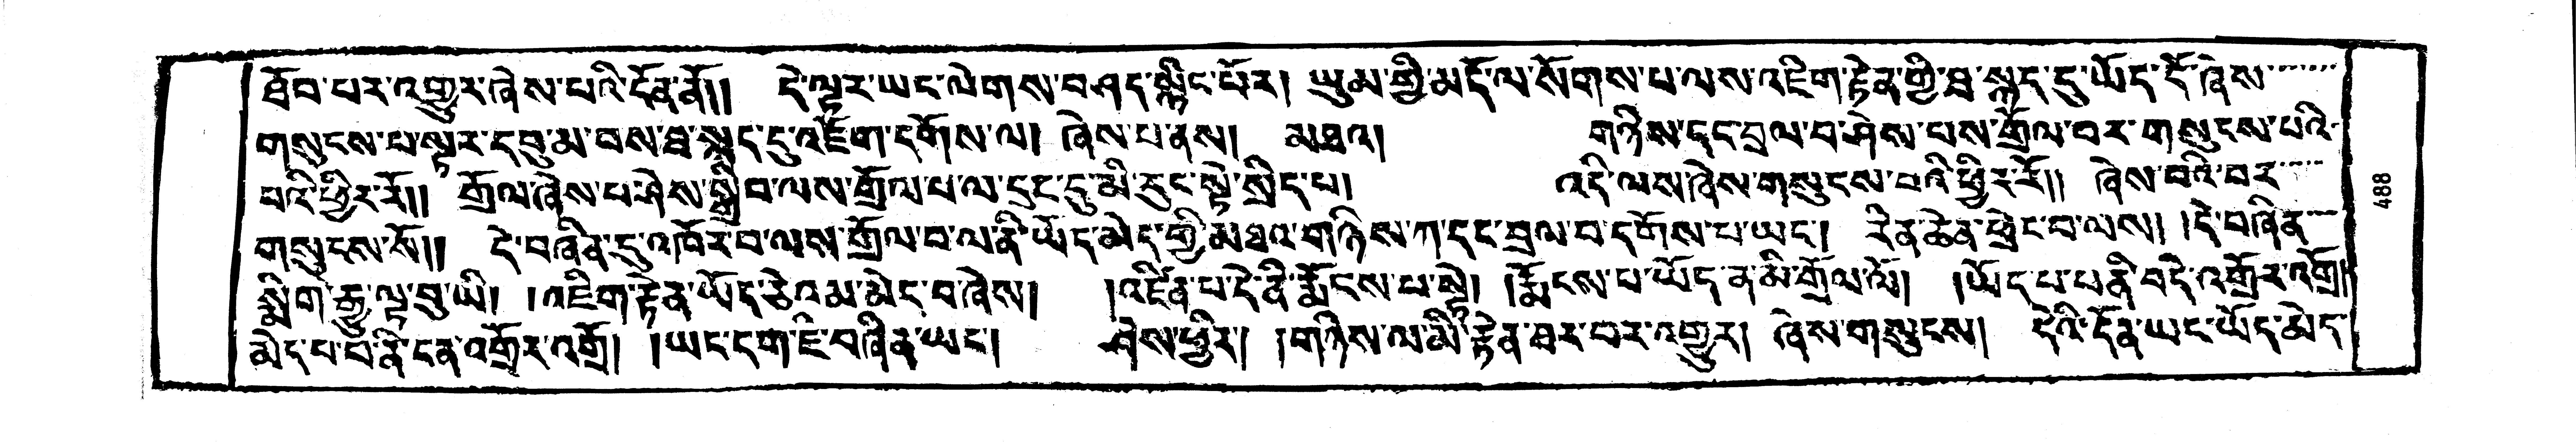ཐོབ་པར་འགྱུར་ཞེས་པའི་དོན་ནོ། །དེ་ལྟར་ཡང་ལེགས་བཤད་སྙིང་པོར། ཡུམ་གྱི་མདོ་ལ་སོགས་པ་ལས་འཇིག་རྟེན་གྱི་ཐ་སྙད་དུ་ཡོད་དོ་ཞེས་
གསུངས་པ་ལྟར་དབུ་མ་བས་ཐ་སྙད་དུ་འཇོག་དགོས་ལ། ཞེས་པ་ནས། མཐའ། གཉིས་དང་བྲལ་བ་ཤེས་པས་གྲོལ་བར་གསུངས་པའི་
པའི་ཕྱིར་རོ། །གྲོལ་ཞེས་པ་ཤེས་སྒྲིབ་ལས་གྲོལ་བ་ལ་དྲང་དུ་མི་རུང་སྟེ་སྲིད་པ། འདི་ལས་ཞེས་གསུངས་པའི་ཕྱིར་རོ། །ཞེས་བའི་བར་
གསུངས་སོ། །དེ་བཞིན་དུ་འཁོར་བ་ལས་གྲོལ་བ་ལ་ནི་ཡོད་མེད་གྱི་མཐའ་གཉིས་ཀ་དང་བྲལ་བ་དགོས་པ་ཡང་། རིན་ཆེན་ཕྲེང་བ་ལས། །དེ་བཞིན་
སྨིག་རྒྱུ་ལྟ་བུ་ཡི། །འཇིག་རྟེན་ཡོད་ཅེའམ་མེད་པ་ཞེས། །འཛིན་པ་དེ་ནི་རྨོངས་པ་སྟེ། །རྨོངས་པ་ཡོད་ན་མི་གྲོལ་ལོ། །ཡོད་པ་པ་ནི་བདེ་འགྲོར་འགྲོ།
མེད་པ་བ་ནི་ངན་འགྲོར་འགྲོ། །ཡང་དག་ཇི་བཞིན་ཡང་། ཤེས་ཕྱིར། །གཉིས་ལ་མི་རྟེན་ཐར་བར་འགྱུར། ཞེས་གསུངས། དེའི་དོན་ཡང་ཡོད་མེད་